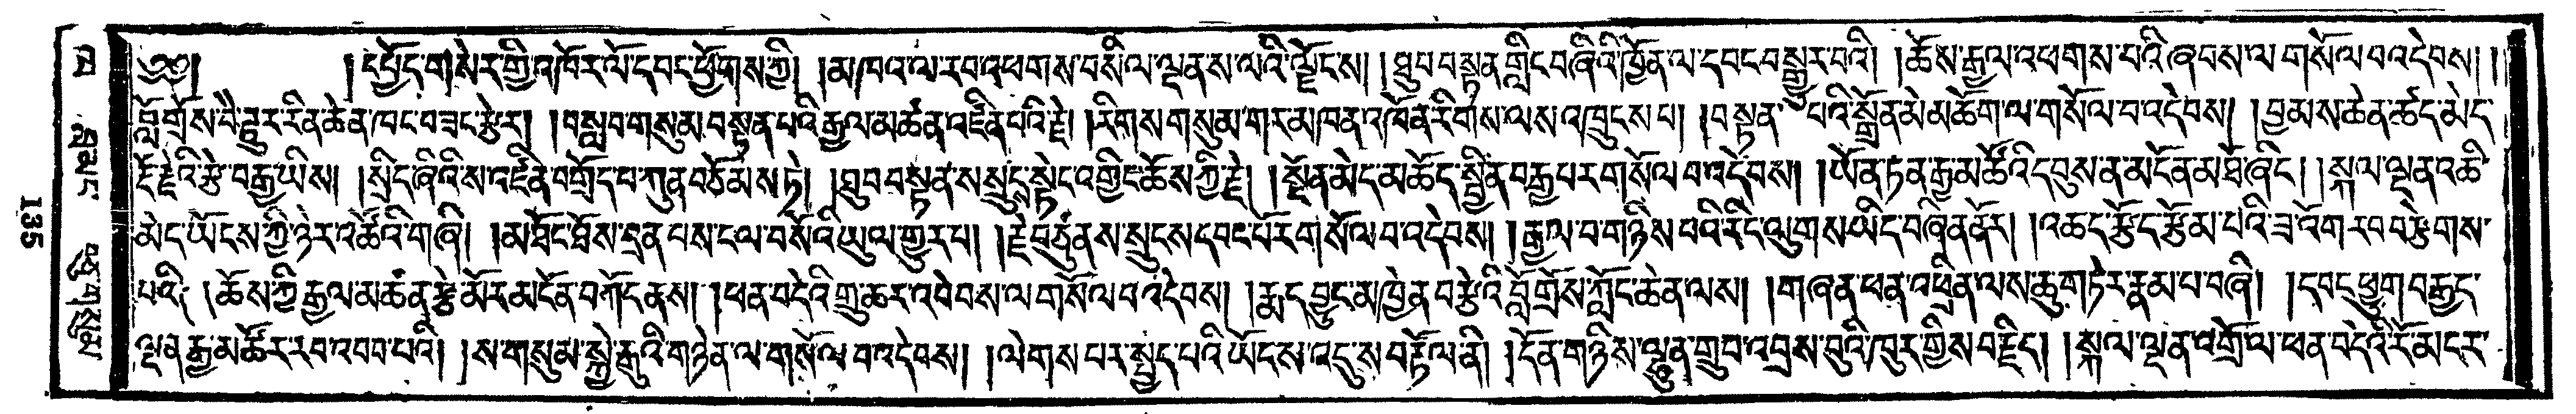༄༅། །དཔྱོད་གསེར་གྱི་འཁོར་ལོ་དབང་ཕྱོགས་ཀྱི། །མཁའ་ལ་རབ་འཕགས་བསིལ་ལྡན་ས་ལའི་ལྗོངས། །ཐུབ་བསྟན་གླིང་བཞིའི་ཁྱོན་ལ་དབང་བསྒྱུར་བའི། །ཆོས་རྒྱལ་འཕགས་པའི་ཞབས་ལ་གསོལ་བ་འདེབས། །
བློ་གྲོས་བཻ་ཌཱུར་རིན་ཆེན་ཁང་བཟང་རྩེར། །བསླབ་གསུམ་བསྟན་པའི་རྒྱལ་མཚན་འཛིན་པའི་རྗེ། །རིགས་གསུམ་གར་མཁན་འཁོན་རིགས་ལས་འཁྲུངས་པ། །བསྟན་པའི་སྒྲོན་མེ་མཆོག་ལ་གསོལ་བ་འདེབས། །བྱམས་ཆེན་ཚད་མེད་
རྡོ་རྗེའི་རྩེ་བརྒྱ་ཡིས། །སྲིད་ཞིའི་ས་འཛིན་བགྲོད་པ་ཀུན་བཅོམས་ཏེ། །ཐུབ་བསྟན་ས་སྲུངས་སྟེང་འགྱིང་ཆོས་ཀྱི་རྗེ། །སྔོན་མེད་མཆོད་སྦྱིན་བརྒྱ་པར་གསོལ་བ་འདེབས། །ཡོན་ཏན་རྒྱ་མཚོའི་དབུས་ན་མངོན་མཐོ་ཞིང་། །སྐལ་ལྡན་འཆི་
མེད་ཡོངས་ཀྱི་ཉེར་འཚོའི་གཞི། །མཐོང་ཐོས་དྲན་པས་ངལ་བསོའི་ཡུལ་གྱུར་པ། །རྗེ་བཙུན་ས་སྲུངས་དབང་པོར་གསོལ་བ་འདེབས། །རྒྱལ་བ་གཉིས་པའི་རིང་ལུགས་ཡིད་བཞིན་ནོར། །འཆད་རྩོད་རྩོམ་པའི་ཟ་འོག་རབ་བརྩེགས་
པའི༑ ༑ཆོས་ཀྱི་རྒྱལ་མཚན་རྩེ་མོར་མངོན་བཀོད་ནས། །ཕན་བདེའི་གྲུ་ཆར་འབེབས་ལ་གསོལ་བ་འདེབས། །རྨད་བྱུང་མཁྱེན་བརྩེའི་བློ་གྲོས་ཀློང་ཆེན་ལས། །གཞན་ཕན་འཕྲིན་ལས་ཆུ་གཏེར་རྣམ་པ་བཞི། །དབང་ཕྱུག་བརྒྱད་
ལྡན་རྒྱ་མཚོར་རབ་འབབ་པའི། །ས་གསུམ་སྐྱེ་རྒུའི་གཉེན་ལ་གསོལ་བ་འདེབས། །ལེགས་པར་སྤྱད་པའི་ཡོངས་འདུ་ས་བརྟོལ་ནི། །དོང་ཉིས་ལྷུན་གྲུབ་འབྲས་བུའི་ཁུར་གྱིས་བརྗིད། །སྐལ་ལྡན་འགྲོ་ལ་ཕན་བདེའི་རོ་མངར་